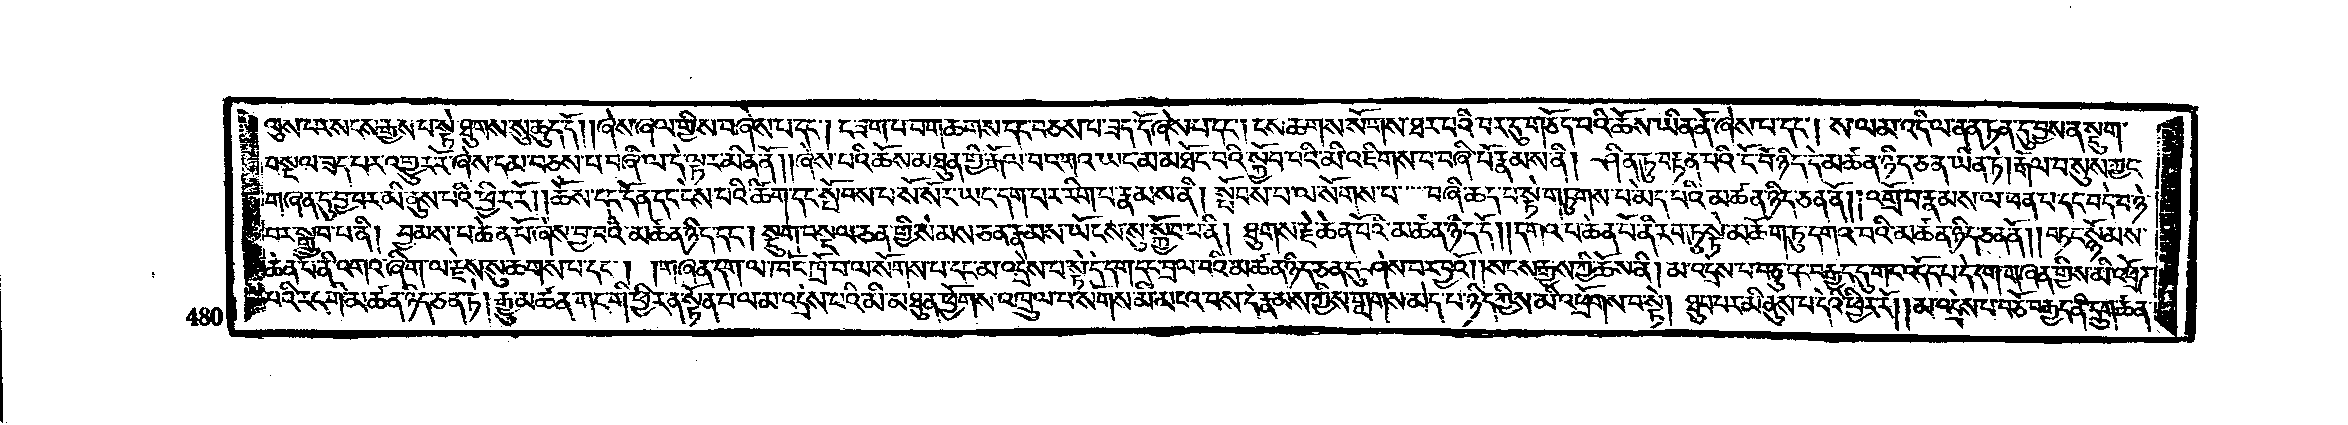ལུས་པར་སངས་རྒྱས་པ་སྟེ་ཐུགས་སུ་ཆུད་དོ། །ཞེས་ཞལ་གྱིས་བཞེས་པ་དང་། ང་ཟག་པ་བག་ཆགས་དང་བཅས་པ་ཟད་དོ་ཞེས་པ་དང་། ངས་ཆགས་སོགས་ཐར་པའི་བར་དུ་གཅོད་པའི་ཆོས་ཡིན་ནོ་ཞེས་པ་དང་། ས་ལམ་འདི་ལ་ནན་ཏན་དུ་བྱས་ན་སྡུག་
བསྔལ་ཟད་པར་འགྱུར་རོ་ཞེས་དམ་བཅས་པ་བཞི་ལ་དེ་ལྟར་མིན་ནོ། །ཞེས་པའི་ཆོས་མཐུན་གྱི་རྒོལ་བ་འགའ་ཡང་མ་མཐོང་བའི་སྐྱོབ་པའི་མི་འཇིགས་པ་བཞི་པོ་རྣམས་ནི། ཤིན་ཏུ་བརྟན་པའི་ངོ་བོ་ཉིད་དེ་མཚན་ཉིད་ཅན་ཡིན་ཏེ། རྒོལ་བ་སུས་ཀྱང་
གཞན་དུ་བྱ་བར་མི་ནུས་པའི་ཕྱིར་རོ། །ཆོས་དང་དོན་དང་ངེས་པའི་ཚིག་དང་སྤོབས་པ་སོ་སོར་ཡང་དག་པར་རིག་པ་རྣམས་ནི། སྤོབས་པ་ལ་སོགས་པ་བཞི་ཆད་པ་སྟེ་གཏུགས་པ་མེད་པའི་མཚན་ཉིད་ཅན་ནོ། །འགྲོ་བ་རྣམས་ལ་ཕན་པ་དང་བདེ་བ་ཉེ་
བར་སྒྲུབ་པ་ནི། བྱམས་པ་ཆེན་པོ་ཞེས་བྱ་བའི་མཚན་ཉིད་དང་། སྡུག་བསྔལ་ཅན་གྱི་སེམས་ཅན་རྣམས་ཡོངས་སུ་སྐྱོབ་པ་ནི། ཐུགས་རྗེ་ཆེན་པོའི་མཚན་ཉིད་དོ། །དགའ་བ་ཆེན་པོ་ནི་རབ་ཏུ་སྟེ་མཆོག་ཏུ་དགའ་བའི་མཚན་ཉིད་ཅན་ནོ། །བཏང་སྙོམས་
ཆེན་པོ་ནི་འགའ་ཞིག་ལ་རྗེས་སུ་ཆགས་པ་དང་། །གཞན་དག་ལ་ཁོང་ཁྲོ་བ་ལ་སོགས་པ་དང་མ་འདྲེས་པ་སྟེ་དེ་དག་དང་བྲལ་བའི་མཚན་ཉིད་ཅན་དུ་ཤེས་པར་བྱའོ། །སངས་རྒྱས་ཀྱི་ཆོས་ནི། མ་འདྲེས་པ་བཅུ་དང་བརྒྱད་དུ་གང་འདོད་པ་དེ་དག་གཞན་གྱིས་མི་འཕྲོགས་
པའི་རང་གི་མཚན་ཉིད་ཅན་ཏེ། རྒྱུ་མཚན་གང་གི་ཕྱིར་ན་སྟོན་པ་ལ་མ་འདྲེས་པའི་མི་མཐུན་ཕྱོགས་འཁྲུལ་བ་སོགས་མི་མངའ་བས་དེ་རྣམས་ཀྱིས་གླགས་མེད་པ་ཉིད་ཀྱིས་མི་འཕྲོགས་བ་སྟེ། ཐུབ་པར་མི་ནུས་པ་དེའི་ཕྱིར་རོ། །མ་འདྲེས་པ་བཅོ་བརྒྱད་ནི་དྲུག་ཚན་